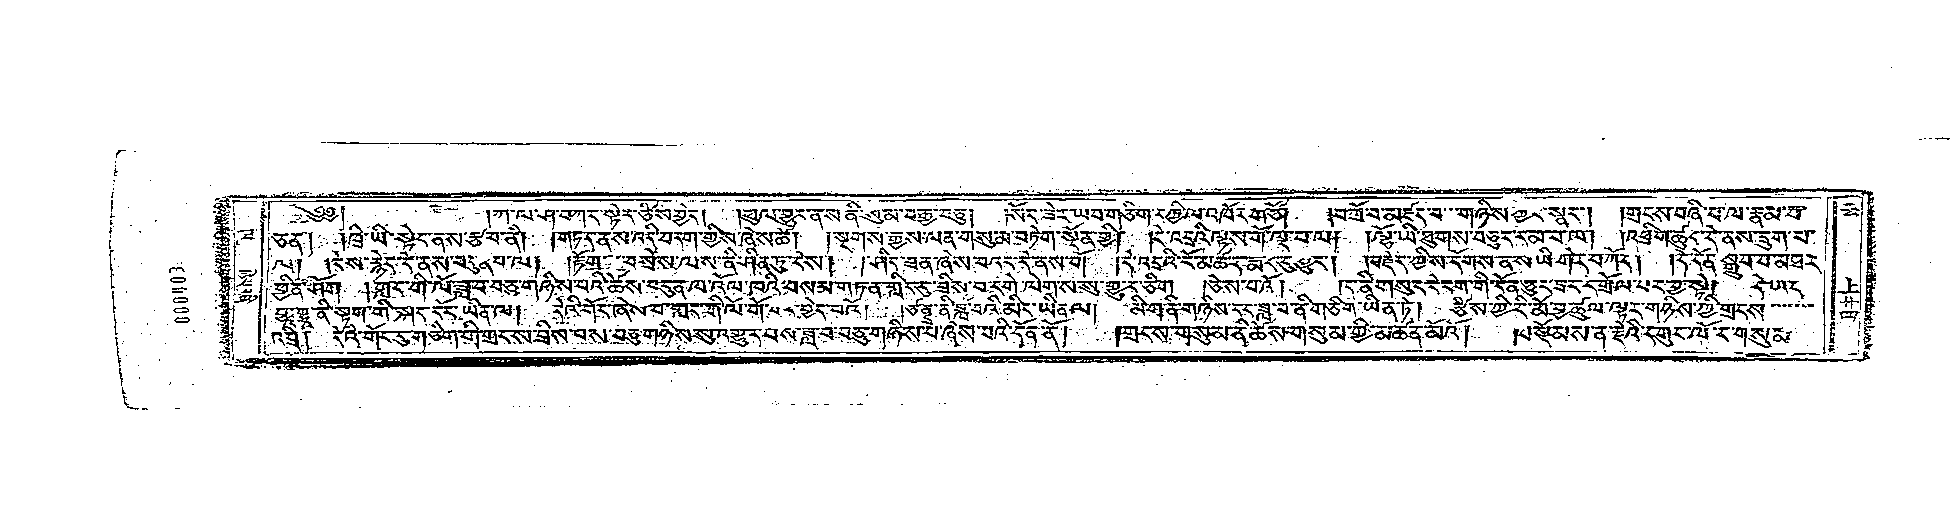༄༅། །ཀ་ལ་ཤ་བཀང་སྟེར་ཙིས་བྱེད། །ཕུལ་བྱུང་ནས་ནི་སུམ་བརྒྱ་བཅུ། །སོང་ཟེར་ཡབ་གཅིག་དཀྱིལ་འཁོར་གཙོ། །འགྲོ་བ་མཛད་པ་གཉིས་ཀྱང་སྣང་། །གྲངས་བཞི་པ་ལ་རྣམ་པ་
ཅན། །ཁྲི་ཡི་སྟེང་ནས་རྩ་བ་ནི། །གཏད་ནས་འདི་བདག་གྱིས་ཞེས་ཚེ། །སྔགས་རྒྱས་ལན་གསུམ་བཏེག་སྔོན་གྱི། །ངེ་འདྲའི་ལྟས་གོ་ལྔ་པ་ལ། །ལྷོ་ཡི་ཐུགས་བཅུད་དམ་པ་ལ། །འབྲིག་ཚུད་དེ་ནས་དྲུག་པ་
ལ། །དེས་རྙེད་དེ་ནས་བདུན་པ་ལ། །རྟོག་བསྲེས་ལས་ནི་ཤིན་ཏུ་ངེས། །ཤིང་ཟན་ཞེས་བའང་དེ་ནས་བོ། །དེ་འདྲའི་ངོ་མཚར་རྨད་དུ་བྱུང་། །བརྗེད་ཀྱིས་དོགས་ནས་ཡི་གེར་བཀོད། །དེ་དོན་སྒྲུབ་བ་མཐར་
ཕྱིན་ཤོག །གླང་གི་ལོ་ཟླ་བ་བཅུ་གཉིས་པའི་ཚེས་བདུན་ལ་འོལ་ཁའི་བསམ་གཏན་གླིང་དུ་བྲིས་བ་དགེ་ལེགས་སུ་གྱུར་ཅིག །ཅེས་པའོ། །ང་ནི་གསུང་དེ་དག་གི་དོན་ཅུང་ཟད་འགྲོལ་པར་བྱ་སྟེ། དེ་ཡང་
བྱཱ་གྷྲཱ་ནི་སྟག་གི་སྐད་དོང་ཡིན་ལ། དེའི་གོང་ཞེས་པ་གླང་གི་ལོ་གོ་བར་བྱེད་པའོ། །ཙནྡྲ་ནི་ཟླ་བའི་མིང་ཡིན་ལ། མིག་ནི་གཉིས་དང་ཟླ་བ་ནི་གཅིག་ཡིན་ཏེ། རྩིས་ཀྱི་རི་མོ་བྱ་ཚུལ་ལྟར་གཉིས་ཀྱི་གྲངས་
འབྲི། དེའི་གོང་དུ་གཅིག་གི་གྲངས་བྲིས་བས་བཅུ་གཉིས་སུ་འགྱུར་བས་ཟླ་བ་བཅུ་གཉིས་པ་ཞེས་པའི་དོན་ནོ། །གྲངས་གསུམ་ནི་ཆོས་གསུམ་གྱི་མཚན་མོའོ། །བསྡོམས་ན་རྗེའི་དགུང་ལོ་ང་གསུམ་